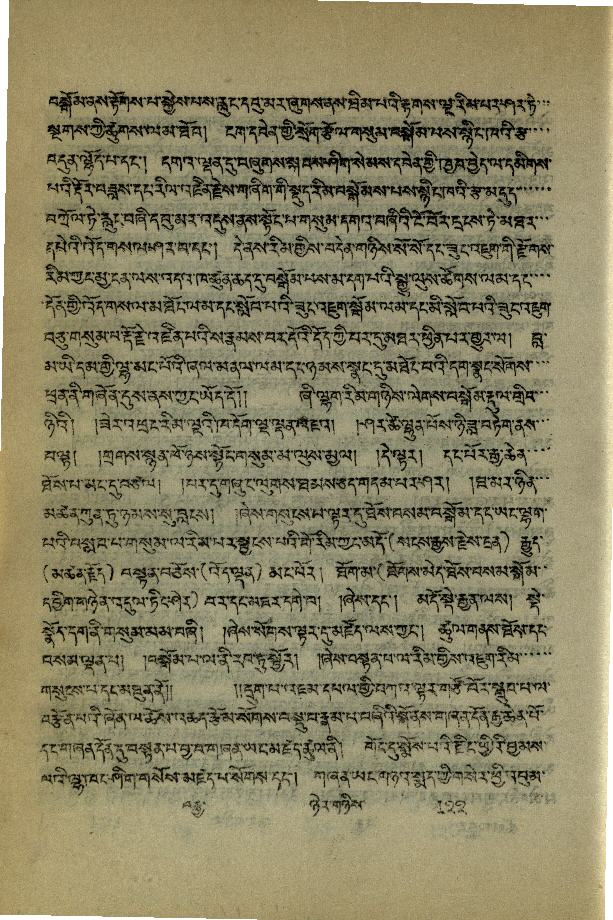བསྒོམ་ནས་རྟོགས་པ་སྐྱེས་པས་རླུང་དབུ་མར་ཞུགས་ནས་ཐིམ་པའི་རྟགས་ལྔ་རིམ་པར་ཤར་ཏེ་
སྔགས་ཀྱི་ཚུགས་ལམ་ཐོབ། ངག་དབེན་གྱི་སྲོག་རྩོལ་གསུམ་བསྒོམ་པས་སྙིང་ཁའི་རྩ་
བདུན་ལྷོད་པ་དང་། དགའ་ལྡན་དུ་བཞུགས་སྐབས་ཤིག་སེམས་དབེན་གྱི་ཁྱབ་བྱེད་ལ་དམིགས་
པའི་རྡོར་བཟླས་དང་རིལ་འཛིན་རྗེས་གཞིག་གི་སྡུད་རིམ་བསྒོམས་པས་སྙིང་ཁའི་རྩམ་མདུད་
བཀྲོལ་ཏེ་རླུང་བཞི་དབུ་མར་འདུས་ནས་སྟོང་པ་གསུམ་དགའ་བཞིའི་ངོ་བོར་དྲངས་ཏེ་མཐར་
དཔེའི་འོད་གསལ་ཤར་བ་དང་། དེ་ནས་རིམ་གྱིས་བདེན་གཉིས་སོ་སོ་དང་ཟུང་འཇུག་གི་རྫོགས་
རིམ་ཀྱང་མྱ་ངན་ལས་འདའ་ཁ་ཚུན་ཆད་དུ་བསྒོམ་པས་མ་དག་པའི་སྒྱུ་ལུས་ཚོགས་ལམ་དང་
དོན་གྱི་འོད་གསལ་མཐོང་ལམ་དང་སློབ་པའི་ཟུང་འཇུག་སྒོམ་ལམ་དང་མི་སློབ་པའི་ཟུང་འཇུག་
བཅུ་གསུམ་པ་རྡོ་རྗེ་འཛིན་པའི་ས་རྣམས་པར་དོའི་དོད་ཀྱི་བར་དུ་མཐར་ཕྱིན་པར་གྱུར་ལ། བླ་
མ་ཡི་དམ་གྱི་ལྷ་མང་པོའི་ཞལ་མནལ་ལམ་དང་ཉམས་སྣང་དུ་མཐོང་བའི་དག་སྣང་སོགས་
ཕྲན་ནི་གཞོན་དུས་ནས་ཀྱང་ཡོད་དོ།། ཞི་ལྷག་རིམ་གཉིས་ལེགས་བསྒོམ་རྡུལ་གྲིབ་
ཉིའི། །ཟེར་འཕྲང་རིམ་ལྔའི་ཁ་དོག་ལྔ་ལྡན་འཇའ། །ཤར་ཚེ་ལྷུན་པོས་ཉི་ཟླ་བཏེག་ནས་
པ་ལྟ། །གྲགས་སྙན་ཕོ་ཉས་སྟོང་གསུམ་མ་ལུས་མྱལ། །དེ་ལྟར། དང་པོར་རྒྱ་ཆེན་
ཐོས་པ་མང་དུ་བཙལ། །པར་དུ་གཞུང་ལུགས་ཐམས་ཅད་གདམ་པར་ཤར། །ཐ་མར་ཉིན་
མཚན་ཀུན་ཏུ་ཉམས་སུ་བླངས། །ཞེས་གསུགནས་པ་ལྟར་དུ་ཐོས་བསམ་བསྒོམ་དང་ཡང་ལྷག་
པའི་བསླབ་པ་གསུམ་ལ་རིམ་པར་སྦྱངས་པའི་གོ་རིམ་ཀྱང་མདོ་སངས་རྒྱས་རྗེས་དྲན་རྒྱུད་
མཚན་རྗོད་བསྟན་བཅོས་འོད་ལྡན་མང་པོར། ཐོག་མ་ཐོགས་མེད་ཐོས་བསམ་སྒོམ་
དབྱིག་གཉེན་འདུལ་ཏིང་ཤེར་བར་དང་མཐར་དགེ་བ། །ཞེས་དང་། མདོ་སྡེ་རྒྱན་ལས། སྡེ་
སྣོད་དག་ནི་གསུམ་མམ་བཞི། །ཞེས་སོགས་ལྟར་དུ་མཛོད་ལས་ཀྱང་། ཚུལ་གནས་ཐོས་དང་
བསམ་ལྡན་པ། །བསྒོམ་པ་ལ་ནི་རབ་ཏུ་སྦྱོར། །ཞེས་བསྟན་པ་ལ་རིམ་གྱིས་འཇུག་རིམ་
གསུངས་པ་དང་མཐུན་ནོ།། །།དྲུག་པ་འཇམ་དཔལ་གྱི་བཀའ་ལྟར་གཙོ་བོར་སྒྲུབ་པ་ལ་
བརྩོན་པའི་ཞོན་ལ་ཆོས་འཆད་རྩོམ་སོགས་བསྡུ་བ་རྣམ་པ་བཞིའི་སྒོ་ནས་གཞན་དོན་རྒྱ་ཆེན་པོ་
དང་གཞན་དོན་དུ་བསྟན་པ་བྱ་བ་གཞན་ཡང་མཛད་ཚུལ་ནི། གོང་དུ་སྨོས་པའི་རྫིང་ཕྱིའི་བྱམས་
ལའི་ལྷ་ཁང་ཤིག་གསོས་མཛད་པ་སོགས་དང་། གཞན་ཡང་གཉའ་སྨད་ཀྱི་གསེར་ཕྱི་འབུམ་